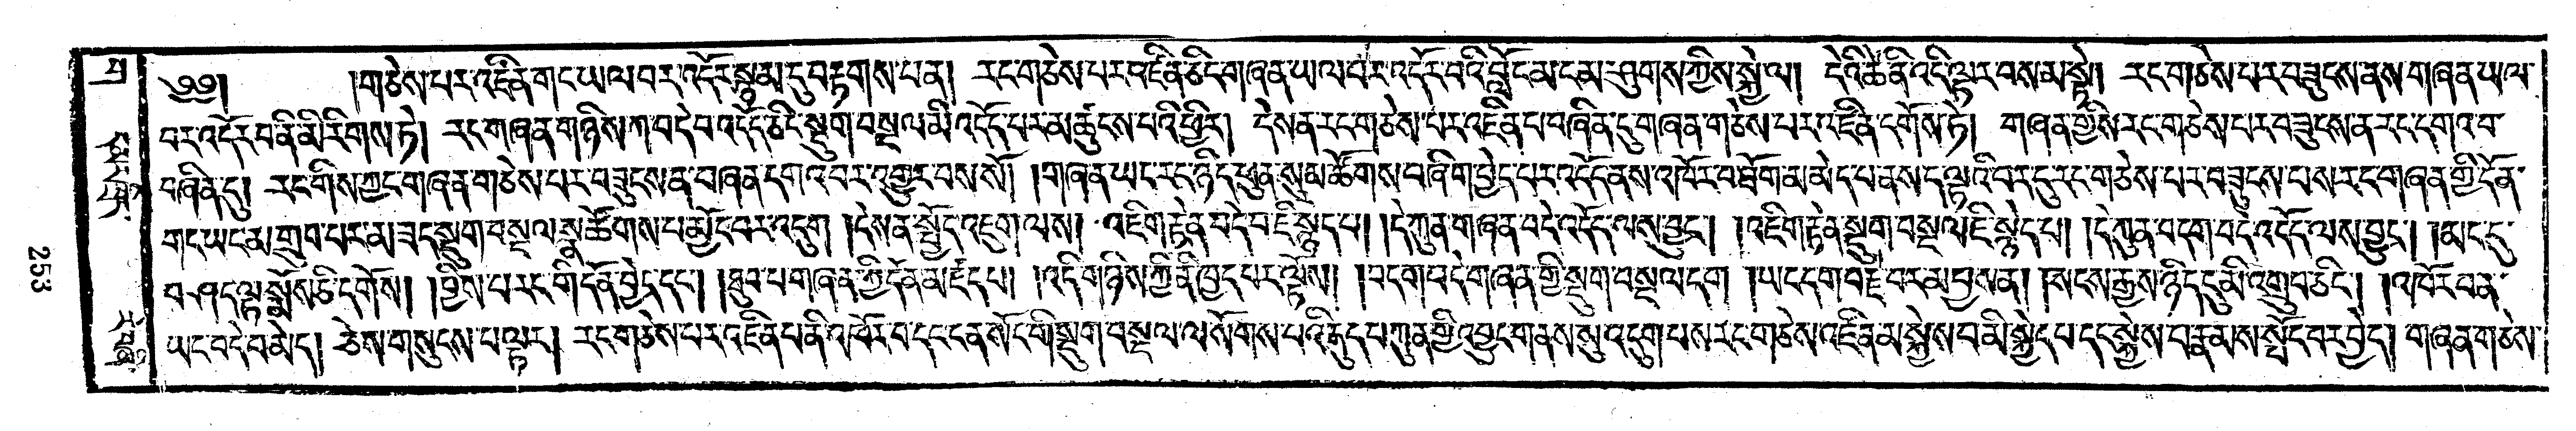༄༅། །གཅེས་པར་འཛིན་གང་ཡལ་བར་འདོར་སྙམ་དུ་བརྟགས་པ་ན། རང་གཅེས་པར་འཛིན་ཅིང་གཞན་ཡལ་བར་འདོར་བའི་བློང་མ་ངམ་ཤུགས་ཀྱིས་སྐྱེ་ལ། དེའི་ཚེ་ནི་འདི་ལྟར་བསམ་སྟེ། རང་གཅེས་པར་བཟུངས་ནས་གཞན་ཡལ་
བར་འདོར་བ་ནི་མི་རིགས་ཏེ། རང་གཞན་གཉིས་ཀ་བདེ་བ་འདོད་ཅིང་སྡུག་བསྔལ་མི་འདོད་པར་མཚུངས་པའི་ཕྱིར། དེས་ན་རང་གཅེས་པར་འཛིན་པ་བཞིན་དུ་གཞན་གཅེས་པར་འཛིན་དགོས་ཏེ། གཞན་གྱིས་རང་གཅེས་པར་བཟུངས་ན་རང་དགའ་བ་
བཞིན་དུ། རང་གིས་ཀྱང་གཞན་གཅེས་པར་བཟུངས་ན་བཞན་དགའ་བར་འགྱུར་བས་སོ། །གཞན་ཡང་རང་ཉིད་ཕུན་སུམ་ཚོགས་བཞིག་བྱེད་པར་འདོད་ནས་འཁོར་བ་ཐོག་མ་མེད་པ་ནས་ད་ལྟའི་བར་དུ་རང་གཅེས་པར་བཟུངས་པས་རང་གཞན་གྱི་དོན་
གང་ཡང་མ་གྲུབ་པར་མཛད་སྡུག་བསྔལ་སྣ་ཚོགས་པ་མྱོང་བར་འདུག །དེས་ན་སྤྱོད་འཇུག་ལས། འཇིག་རྟེན་བདེ་བ་ཇི་སྙད་པ། །དེ་ཀུན་གཞན་བདེ་འདོད་ལས་བྱུང་། འཇིག་རྟེན་སྡུག་བསྔལ་ཇི་སྙེད་པ། །དེ་ཀུན་བདག་བདེ་འདོད་ལས་བྱུང་། །མང་དུ་
བཤད་ལྟ་སྨོས་ཅི་དགོས། །བྱིས་པ་རང་གི་དོན་བྱེད་དང་། ཐུབ་པ་གཞན་གྱི་དོན་མཛད་པ། །འདི་གཉིས་ཀྱི་ནི་ཁྱད་པར་ལྟོས། །བདག་བདེ་གཞན་གྱི་སྡུག་བསྔལ་དག །ཡང་དག་བརྗེ་བར་མ་བྱས་ན། །སངས་རྒྱས་ཉིད་དུ་མི་འགྲུབ་ཅིང་། །འཁོར་བ་ན་
ཡང་བདེ་བ་མེད། ཅེས་གསུངས་པ་ལྟར། རང་གཅེས་པར་འཇིན་པ་ནི་འཁོར་བ་དང་ངན་སོང་གི་སྡུག་བསྔལ་ལ་སོགས་པའི་རྒུད་པ་ཀུན་གྱི་འབྱུང་གནས་སུ་འདུག་པས་རང་གཅེས་འཛིན་མ་སྐྱེས་བ་མི་སྐྱེད་པ་དང་སྐྱེས་པ་རྣམས་སྤོང་བར་བྱེད། གཞན་གཅེས་